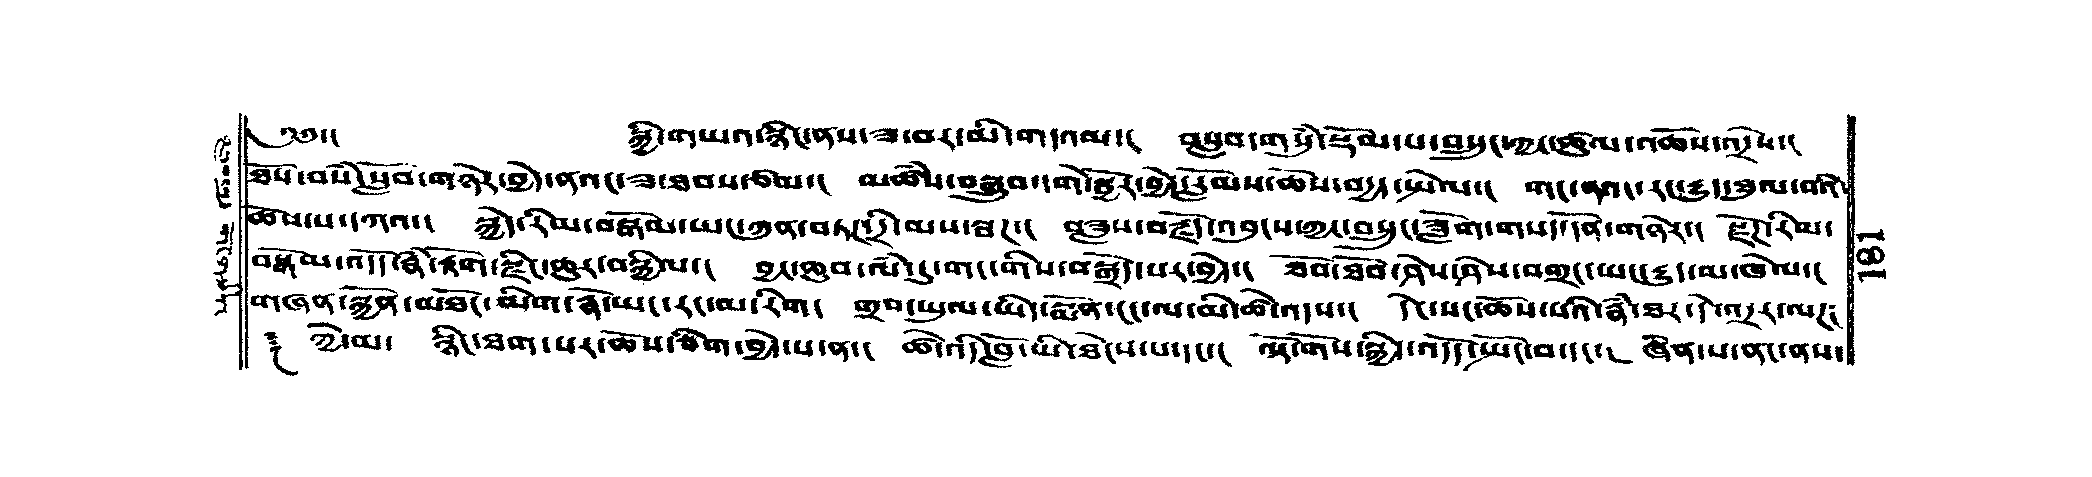།སྐྱི་གཡའ་སྙིང་ནས་ཟ་བར་མི་གདའའམ། །བསླབ་གསུམ་སྡོམ་པ་བསླང་ཀྱང་ཚུལ་འཆོས་འདྲེས། །
ཐོས་བསམ་སློབ་གཉེར་བྱེད་ནའང་ཟ་ཐབས་ཙམ། །མཚམས་བསྒྲུབ་དགེ་སྦྱོར་བྱེད་རློམས་ཆོས་བརྒྱད་སྤེལ། །གང་ནའང་རང་རྒྱུད་ཐུལ་བའི་
ཆོས་པ་དཀའ། །བསྐྱེད་རིམ་བསྒོམ་ཡང་ཀུན་བཏགས་དྲི་མས་སྦགས། །བཟླས་བརྗོད་འབུངས་ཀྱང་བསྲུང་ཟློག་གསད་དོན་གཉེར། །རྫོགས་རིམ་
བསྒོམ་འདོད་རྣམ་རྟོག་རྫིང་ཆུར་བསྐྱིལ། །བྱང་ཆུབ་ལམ་དུ་གང་གིས་བསྒོད་པར་བྱེད། །ཐོབ་ཐོབ་ཤེས་ཤེས་བགྲང་ཡང་རྒྱུད་མ་ཁེལ། །
གཞན་སྐྱོན་མཐོང་མིག་རྣོ་ཡང་རང་མ་རིག།གྲབས་ཡུལ་ཡིད་སྨོན་ངང་ལ་མི་ཚེ་འདས། །དེང་སང་ཆོས་པའི་རྣམ་ཐར་དེ་འདྲར་ལགས། 
༈ ཀྱེ་མ། སྙིང་ཐག་པར་ཆོས་ཅིག་བྱེད་པ་ན། །ཚེ་འདི་བློ་ཡི་ཐོངས་པ་དང་། །ལྟོ་གོས་སྐྱིད་འདོད་སྤོང་བ་དང། །ཞེན་པ་ནང་ནས་